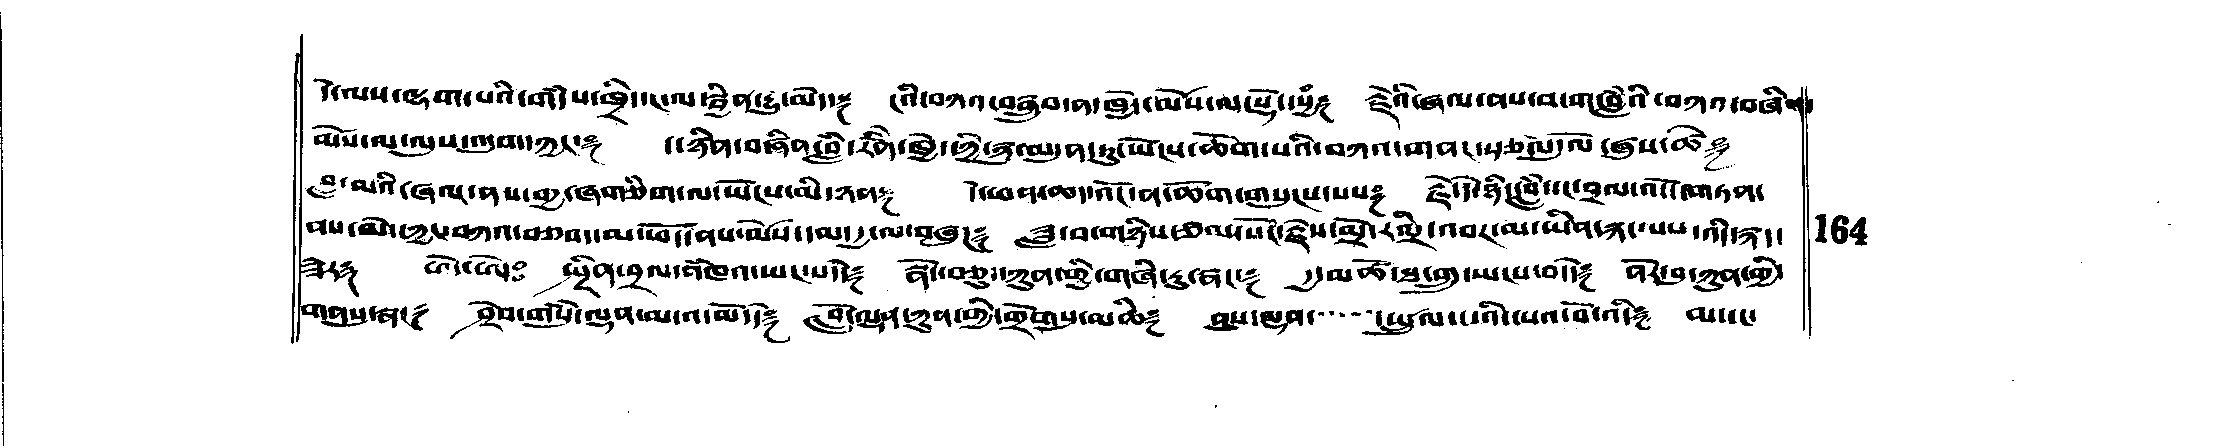དེ་ལས་ལྷག་པའི་གདམས་ཁྲིད་ང་ལ་སྦྱིན་རྒྱུ་མེད། ངའི་བཀའ་བསྒྲུབ་ན་ཁྱོད་མཚམས་ལ་སྡོད་གསུང་། རྗེའི་ཞལ་ནས་བདག་བླ་མའི་བཀའ་བཞིན་
མཚམས་ལ་ལོས་འདུག་ཀྱང་། ད་ཉིན་བཞིན་བླ་མ་རིན་པོ་ཆེ་ཁྱེད་ཀྱི་སྐུ་མདུན་ཏུ་ཡོང་ཆོག་པའི་བཀའ་གནང་བསྩལ་དུ་གསོལ་ཞུས་ཚེ།
བླ་མའི་ཞལ་ནས་བརྒྱ་ཞག་གཅིག་ལ་ཡོང་མི་ཉན། དེ་ཕན་ཆད་འོང་ན་ཆོག་གསུངས་པས། རྗེ་དེ་ཉིད་བླ་མ་དང་བྲལ་འདོད་གཏན་
ནས་མེད་ཀྱང་བཀའ་བཅག་མ་ཕོད་ནས་མཚམས་དམ་རྒྱ་ལ་བཞུགས། ཟླ་བ་གཉིས་ཙམ་སོང་རྗེས་མཁའ་འགྲོ་རལ་གྲི་འབར་མ་ཡིན་སྐད་པས་འདི་སྐད་
ཟེར། ཨེ་ཨེཿ སྤྲིན་བྲལ་ནམ་མཁའ་ཡངས་པ་དེ། །སྣོད་བཅུད་ཀུན་གྱི་གཞི་རུ་སྣང་། །རྒྱ་མཚོ་ཐ་གྲུ་ཡངས་བ་དེ། །ནོར་བུ་ཀུན་གྱི་
གནས་སུ་སྣང་། །ཤེས་རབ་གསུམ་ལྡན་མདའ་མོ་དེ། །བློ་ལྡན་ཀུན་གྱི་གྲོགས་སུ་མཆི་༼མཆིས་?༽། །ནུས་ལྡན་སྤྲུལ་པའི་དཔའ་བོ་འདི། །མ་དང་